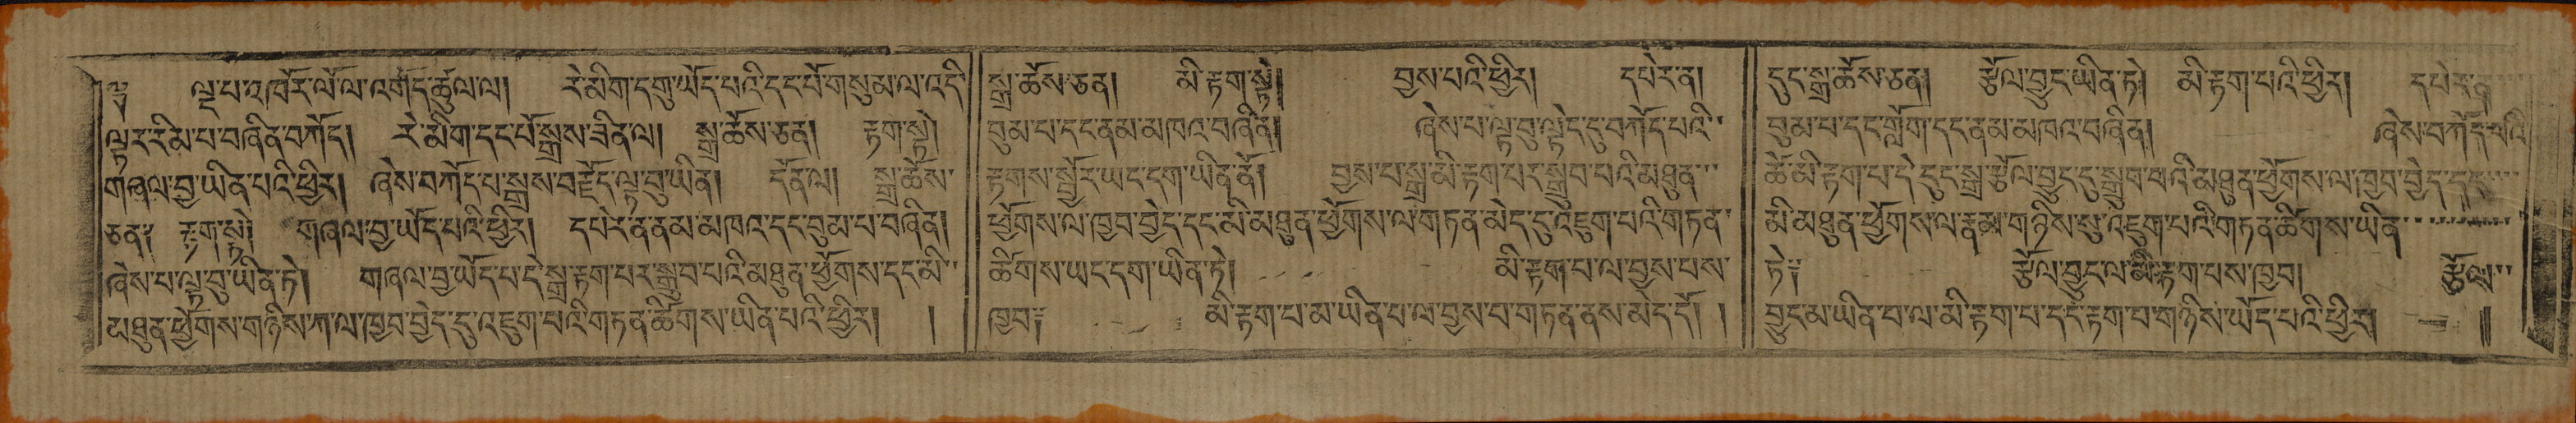༈ ལྔ་པ་འཁོར་ལོ་ལ་འགོད་ཚུལ་ལ། རེ་མིག་དགུ་ཡོད་པའི་དང་པོ་གསུམ་ལ་འདི་ལྟར་རིམ་པ་བཞིན་བཀོད། རེ་མིག་དང་པོ་སྒྲས་ཟིན་ལ། སྒྲ་ཆོས་ཅན། རྟག་སྟེ། གཞལ་བྱ་ཡིན་པའི་ཕྱིར། ཞེས་བཀོད་པ་སྒྲས་བརྗོད་ལྟ་བུ་ཡིན། དོན་ལ། སྒྲ་ཆོས་ཅན༑ རྟག་སྟེ། གཞལ་བྱ་ཡོད་པའི་ཕྱིར། དཔེར་ན་ནམ་མཁའ་དང་བུམ་པ་བཞིན། ཞེས་པ་ལྟ་བུ་ཡིན་ཏེ། གཞལ་བྱ་ཡོད་པ་དེ་སྒྲ་རྟག་པར་སྒྲུབ་པའི་མཐུན་ཕྱོགས་དང་མི་མཐུན་ཕྱོགས་གཉིས་ཀ་ལ་ཁྱབ་བྱེད་དུ་འཇུག་པའི་གཏན་ཚིགས་ཡིན་པའི་ཕྱིར། །
སྒྲ་ཆོས་ཅན། མི་རྟག་སྟེ། བྱས་པའི་ཕྱིར། དཔེར་ན། བུམ་པ་དང་ནམ་མཁའ་བཞིན། ཞེས་པ་ལྟ་བུ་ལྟེང་དུ་བཀོད་པའི་རྟགས་སྦྱོར་ཡང་དག་ཡིན་ནོ། བྱས་པ་སྒྲ་མི་རྟག་པར་སྒྲུབ་པའི་མཐུན་ཕྱོགས་ལ་ཁྱབ་བྱེད་དང་མི་མཐུན་ཕྱོགས་ལ་གཏན་མེད་དུ་འཇུག་པའི་གཏན་ཚིགས་ཡང་དག་ཡིན་ཏེ། མི་རྟག་པ་ལ་བྱས་པས་ཁྱབ༑ མི་རྟག་པ་མ་ཡིན་པ་ལ་བྱས་པ་གཏན་ནས་མེད་དོ། །
དུང་སྒྲ་ཆོས་ཅན། རྩོལ་བྱུང་ཡིན་ཏེ། མི་རྟག་པའི་ཕྱིར། དཔེར་ན་བུམ་པ་དང་གློག་དང་ནམ་མཁའ་བཞིན། ཞེས་བཀོད་པའི་ཚེ་མི་རྟག་པ་དེ་དུང་སྒྲ་རྩོལ་བྱུང་དུ་སྒྲུབ་པའི་མཐུན་ཕྱོགས་ལ་ཁྱབ་བྱེད་དང་མི་མཐུན་ཕྱོགས་ལ་རྣམ་གཉིས་སུ་འཇུག་པའི་གཏན་ཚིགས་ཡིན་ཏེ༑ རྩོལ་བྱུང་ལ་མི་རྟག་པས་ཁྱབ། རྩོལ་བྱུང་མ་ཡིན་པ་ལ་མི་རྟག་པ་དང་རྟག་པ་གཉིས་ཡོད་པའི་ཕྱིར། །